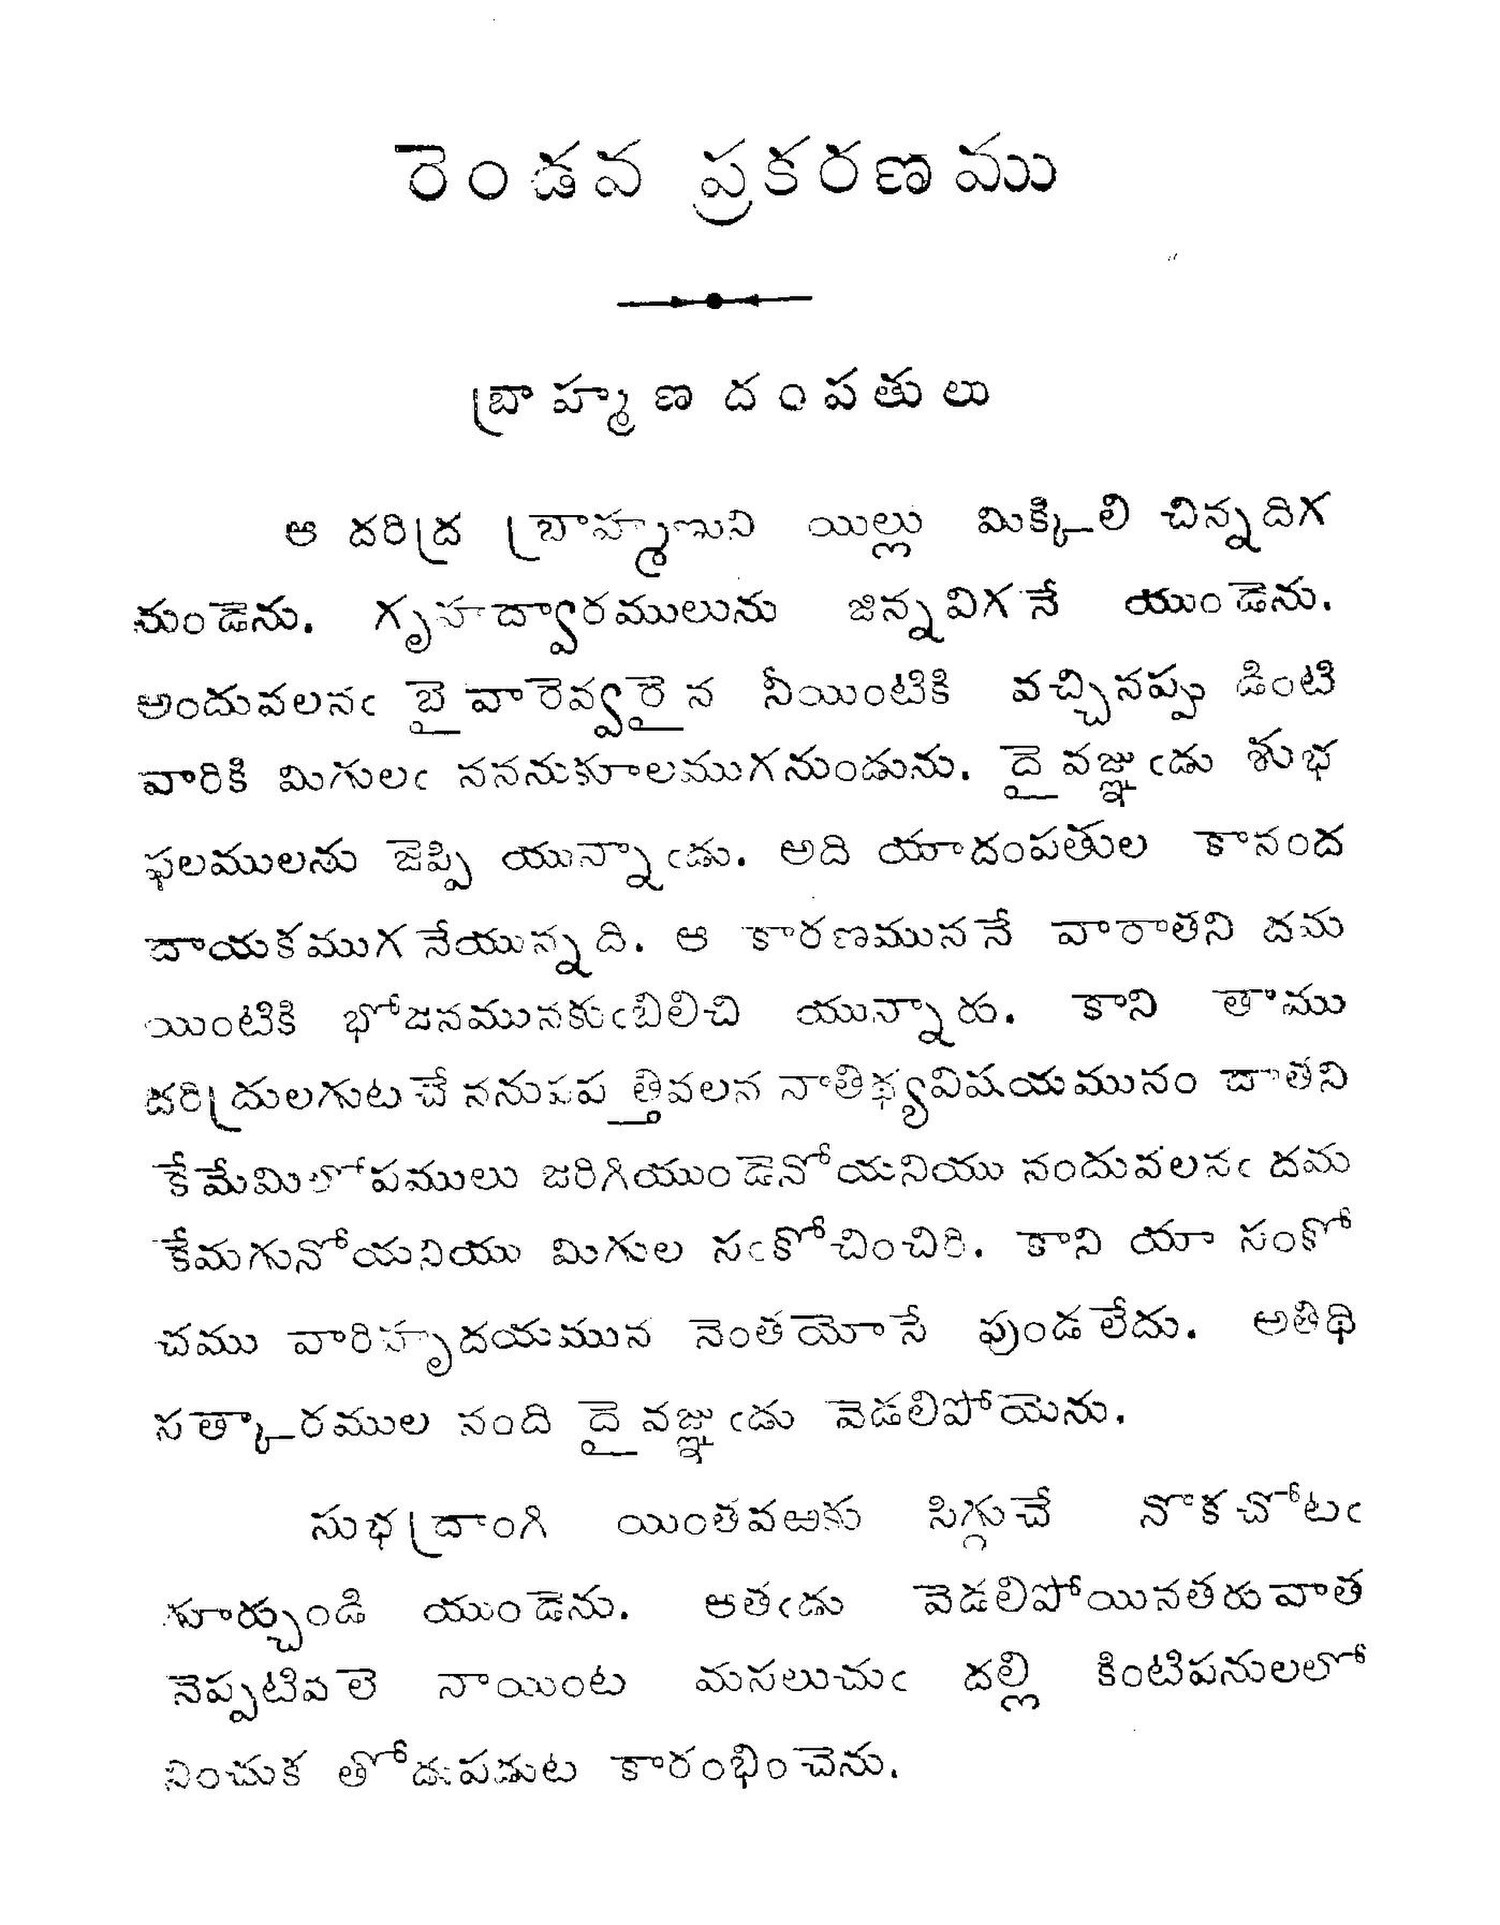ఆ దరిద్ర బ్రాహ్మణుని యిల్లు మిక్కిలి చిన్నదిగ నుండెను. గృహద్వారములును జిన్నవిగనే యుండెను. అందువలనఁ బై వారెవ్వరైన నీయింటికి వచ్చినప్పు డింటి వారికి మిగులఁ నననుకూలముగనుండును. దైవజ్ఞుఁడు శుభ ఫలములను జెప్పి యున్నాఁడు. అది యాదంపతుల కానందదాయకముగ నేయున్నది. ఆ కారణమున నే వారాతని దమ యింటికి భోజనమునకుఁబిలిచి యున్నారు. కాని
తాము దరిద్రులగుటచే నను పపత్తివలన నాతిథ్యవిషయమునం దాతని కేమేమి లోపములు జరిగియుండెనోయనియు నందువలనఁ దమ కేమగునోయనియు మిగుల సంకోచించిరి. కాని యా సంకో
చము వారి హృదయమున నెంతయో సే వుండ లేదు. అతిథిసత్కారముల నంది దైవజ్జుఁడు వెడలిపోయెను.

సుభద్రాంగి యింతవఱకు సిగ్గుచే నొకచోటఁ కూర్చుండి యుండెను. ఆతఁడు వెడలిపోయినతరువాత
నెప్పటివ లె నాయింట మసలుచుఁ దల్లి కింటిపనులలో నించుక తోడుపడుట కారంభించేను.